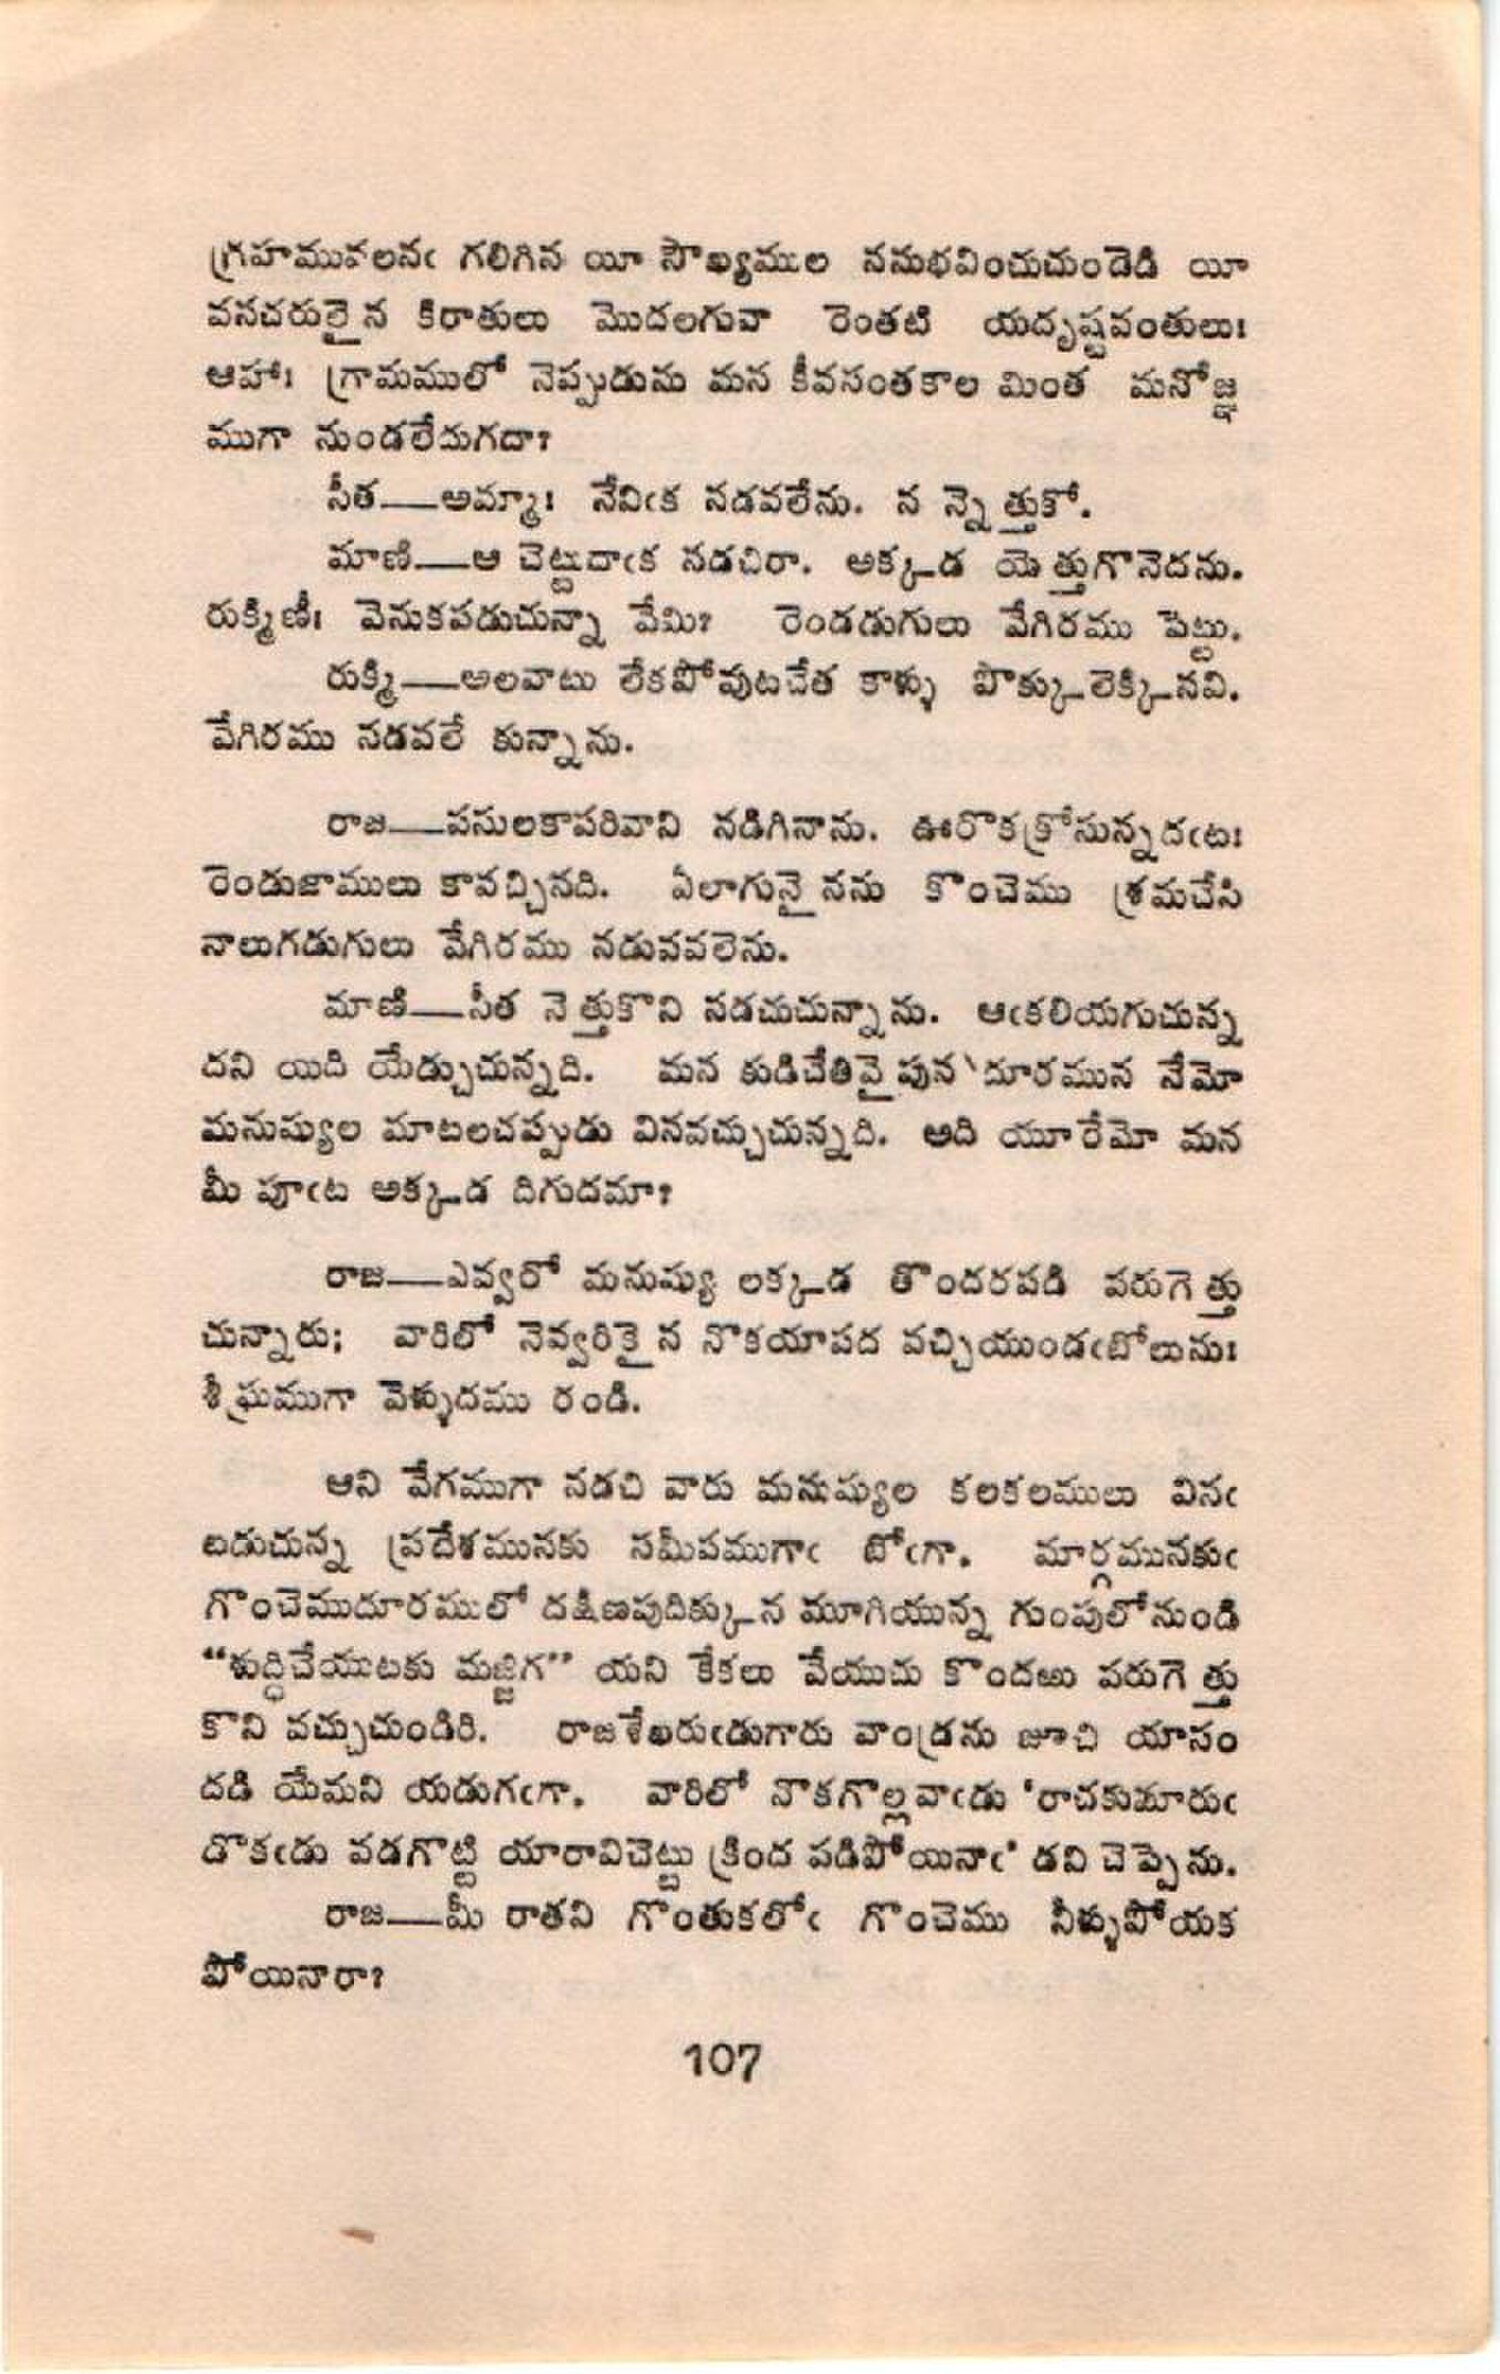గ్రహమువలనఁ గలిగిన యీ సౌఖ్యముల ననుభవించుచుండెడి యీ వనచరులైన కిరాతులు మొదలగువా రెంతటి యదృష్టవంతులు ఆహా! గ్రామములో నెప్పుడును మన కీవసంతకాల మింత మనోజ్ఞముగా నుండలేదుగదా?
 
సీత__అమ్మా! నేనిఁక నడవలేను. నన్నెత్తుకో,

మాణి__ఆ చెట్టదాఁక నడచిరా, అక్కడ యెత్తుగొనెదను. రుక్మిణీ, వెనుకపడుచున్నా వేమి? రెండడుగులు వేగిరము పెట్టు.

రుక్మి__అలవాటు లేకపోవుటచేత కాళ్ళ పొక్కులెక్కినవి. వేగిరము నడవలే కున్నాను.

రాజ__పసులకాపరివాని నడిగినాను. ఊరొక క్రోసున్నదంట! రెండుజాములు కావచ్చినది. ఏలాగునైనను కొంచెము శ్రమచేసి నాలుగడుగులు వేగిరము నడువవలెను.

మాణి__సీత నెత్తుకొని నడచుచున్నాను. ఆఁకలియగుచున్న దని యిది యేడ్చుచున్నది. మన కుడిచేతివైపున దూరమున నేమో మనుష్యుల మాటలచప్పడు వినవచ్చుచున్నది. అది యూరేమో మన మీ పూఁట అక్కడ దిగుదమా?

రాజ__ఎవ్వరో మనుష్యు లక్కడ తొందరపడి పరుగెత్తు చున్నారు; వారిలో నెవ్వరికైన నొకయాపద వచ్చియుండఁబోలును! శీఘ్రముగా వెళ్ళుదము రండి.

ఆని వేగముగా నడచి వారు మనుష్యుల కలకలములు వినఁ బడుచున్న ప్రదేశమునకు సమీపముగాఁ బోఁగా, మార్గమునకుఁ గొంచెముదూరములో దక్షిణపుదిక్కున మూగియున్న గుంపులోనుండి "శుద్ధిచేయుటకు మజ్జిగ" యని కేకలు వేయుచు కొందఱు పరుగెత్తు కొని వచ్చుచుండిరి. రాజశేఖరుఁడుగారు వాండ్రను జూచి యాసం దడి యేమని యడుగఁగా, వారిలో నొకగొల్లవాఁడు 'రాచకుమారుఁ డొకడు వడగొట్టి యారావిచెట్టు క్రింద పడిపోయినాఁ' డని 
చెప్పెను.

రాజ__మీ రాతని గొంతుకలోఁ గొంచెము నీళ్ళు పోయక పోయినారా?